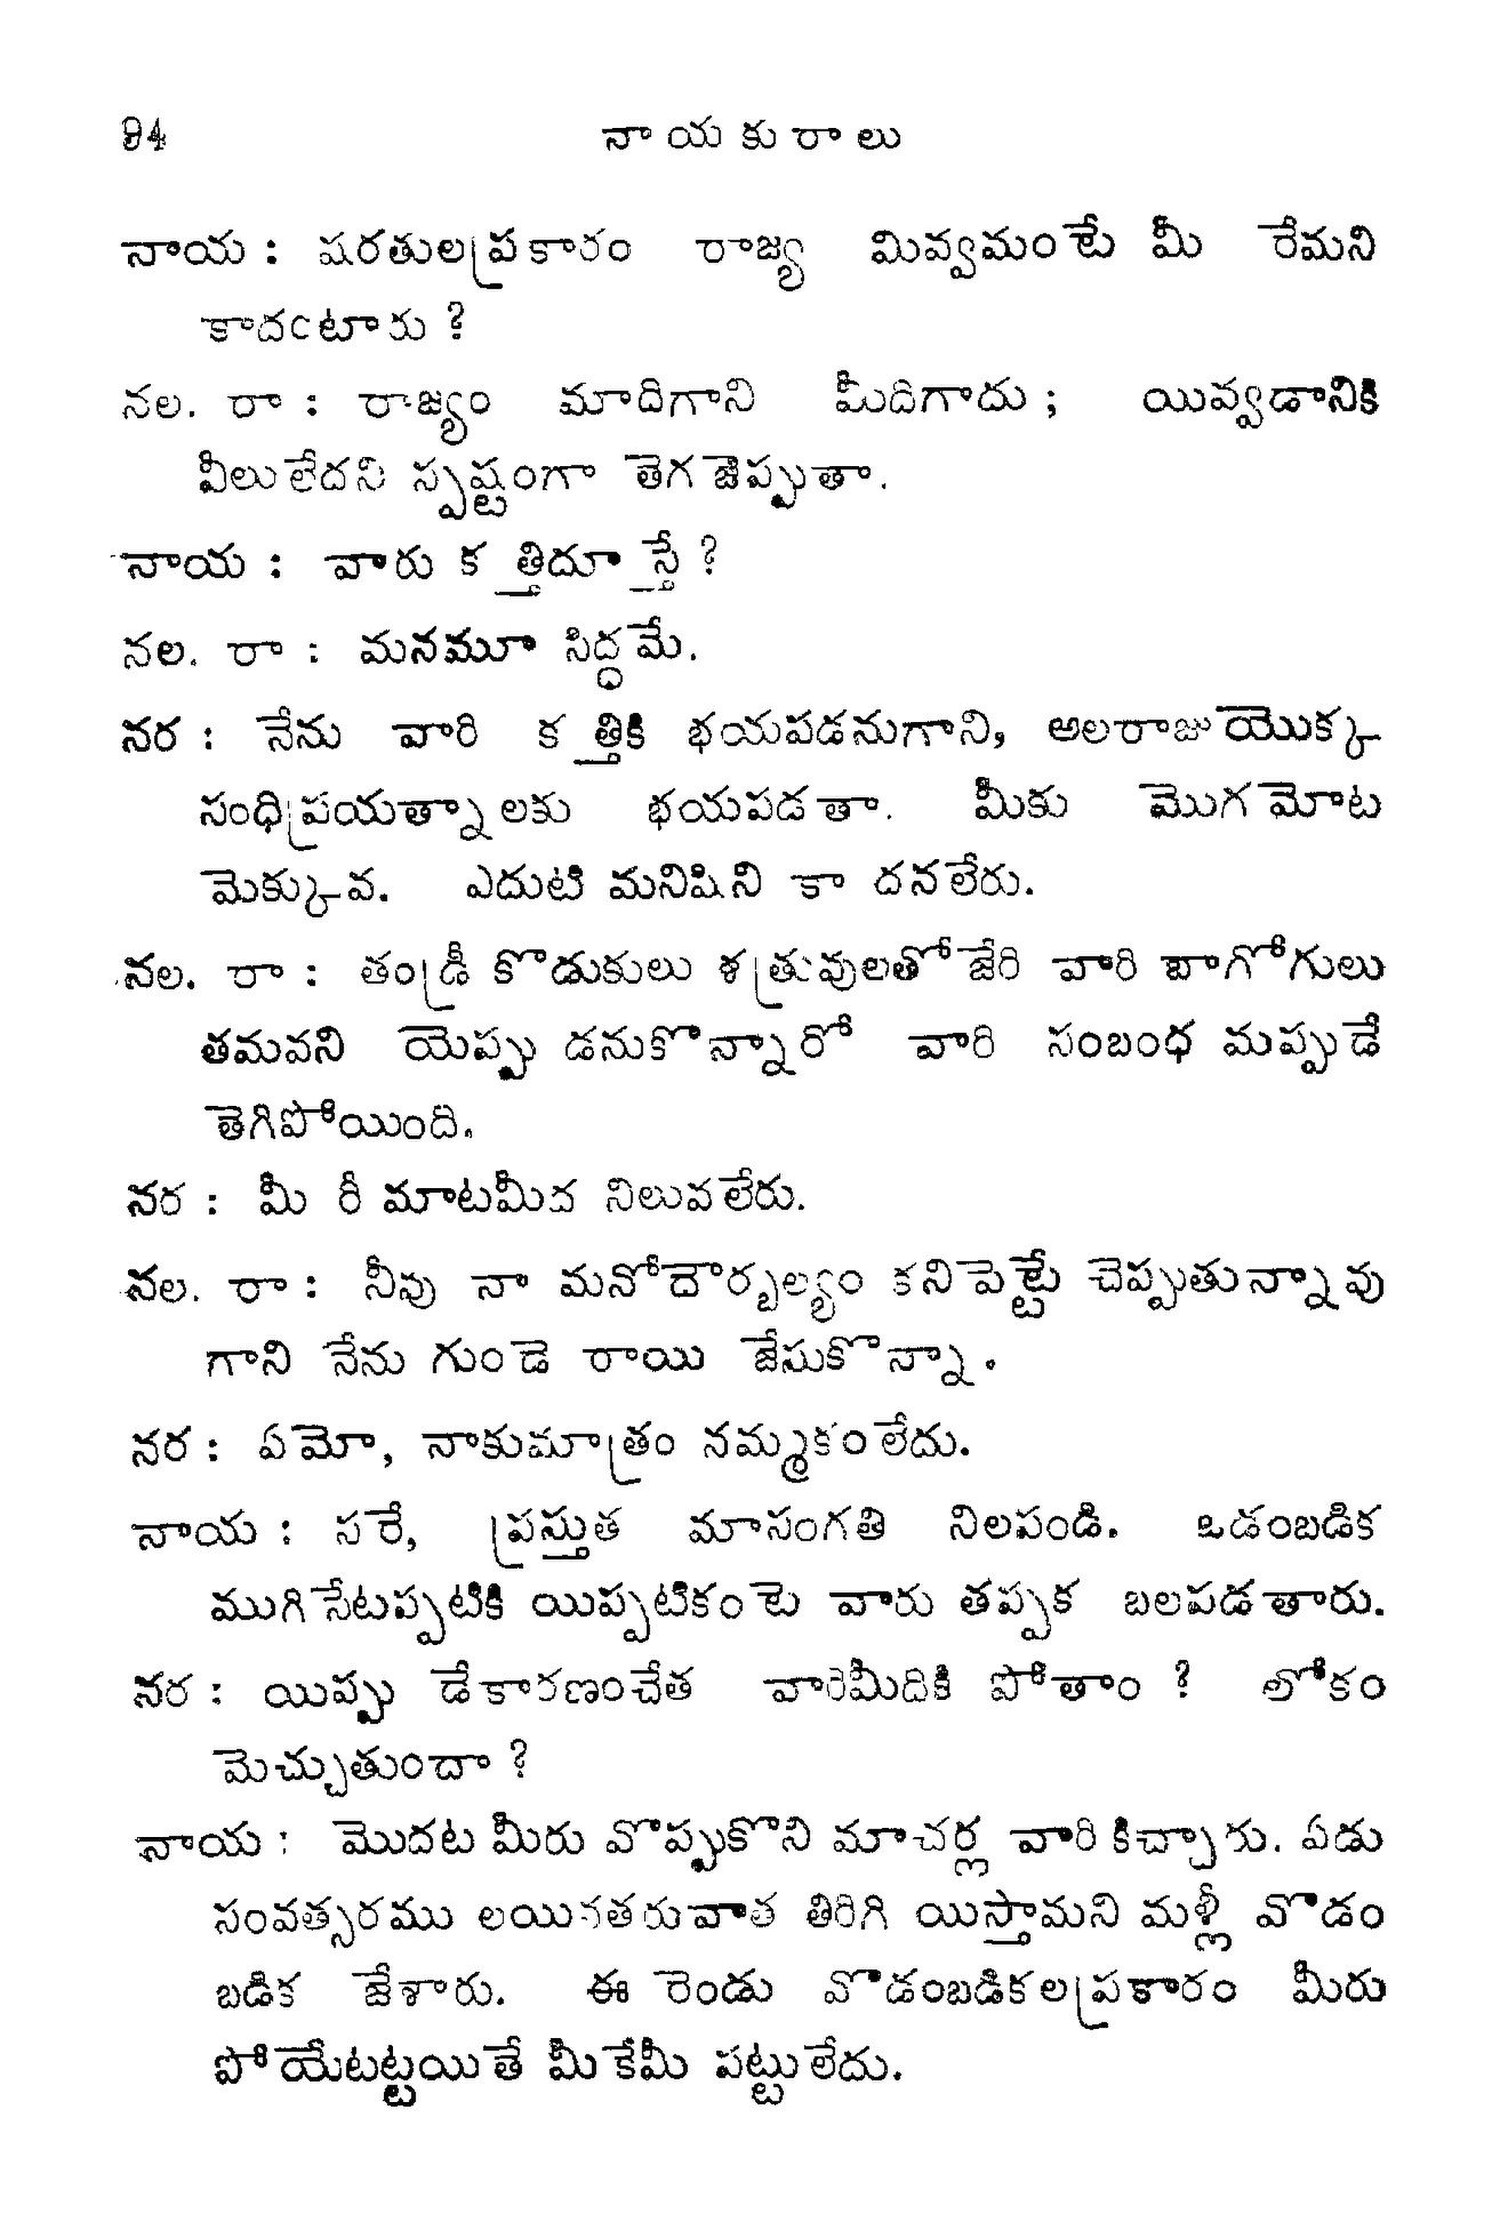నాయ : షరతులప్రకారం రాజ్య మివ్వమంటే మీ రేమని కాదంటారు ?

నల. రా : రాజ్యం మాదిగాని మీదిగాదు ; యివ్వడానికి వీలులేదని స్పష్టంగా తెగజెప్పుతా.

నాయ : వారు కత్తిదూస్తే ?

నల. రా : మనమూ సిద్ధమే.

నర: నేను వారి కత్తికి భయపడనుగాని, అలరాజుయొక్క సంధిప్రయత్నాలకు భయపడతా. మీకు మొగమోట మెక్కువ. ఎదుటి మనిషిని కాదనలేరు.

నల. రా : తండ్రీ కొడుకులు శత్రువులతోజేరి వారి బాగోగులు తమవని యెప్పుడనుకొన్నారో వారి సంబంధ మప్పుడే తెగిపోయింది.

నర : మీ రీ మాటమీద నిలువలేరు.

నల. రా : నీవు నా మనోదౌర్బల్యం కనిపెట్టే చెప్పుతున్నావు గాని నేను గుండె రాయి జేసుకొన్నా.

నర : ఏమో, నాకుమాత్రం నమ్మకంలేదు.

నాయ : సరే, ప్రస్తుత మాసంగతి నిలపండి. ఒడంబడిక ముగిసేటప్పటికి యిప్పటికంటె వారు తప్పక బలపడతారు.

నర : యిప్పు డేకారణంచేత వారిమీదికి పోతాం ? లోకం మెచ్చుతుందా?

నాయ : మొదట మీరు వొప్పుకొని మాచర్ల వారి కిచ్చారు. ఏడు సంవత్సరము లయినతరువాత తిరిగి యిస్తామని మళ్లీ వొడంబడిక జేశారు. ఈ రెండు వొడంబడికలప్రకారం మీరు పోయేటట్టయితే మీకేమీ పట్టులేదు.